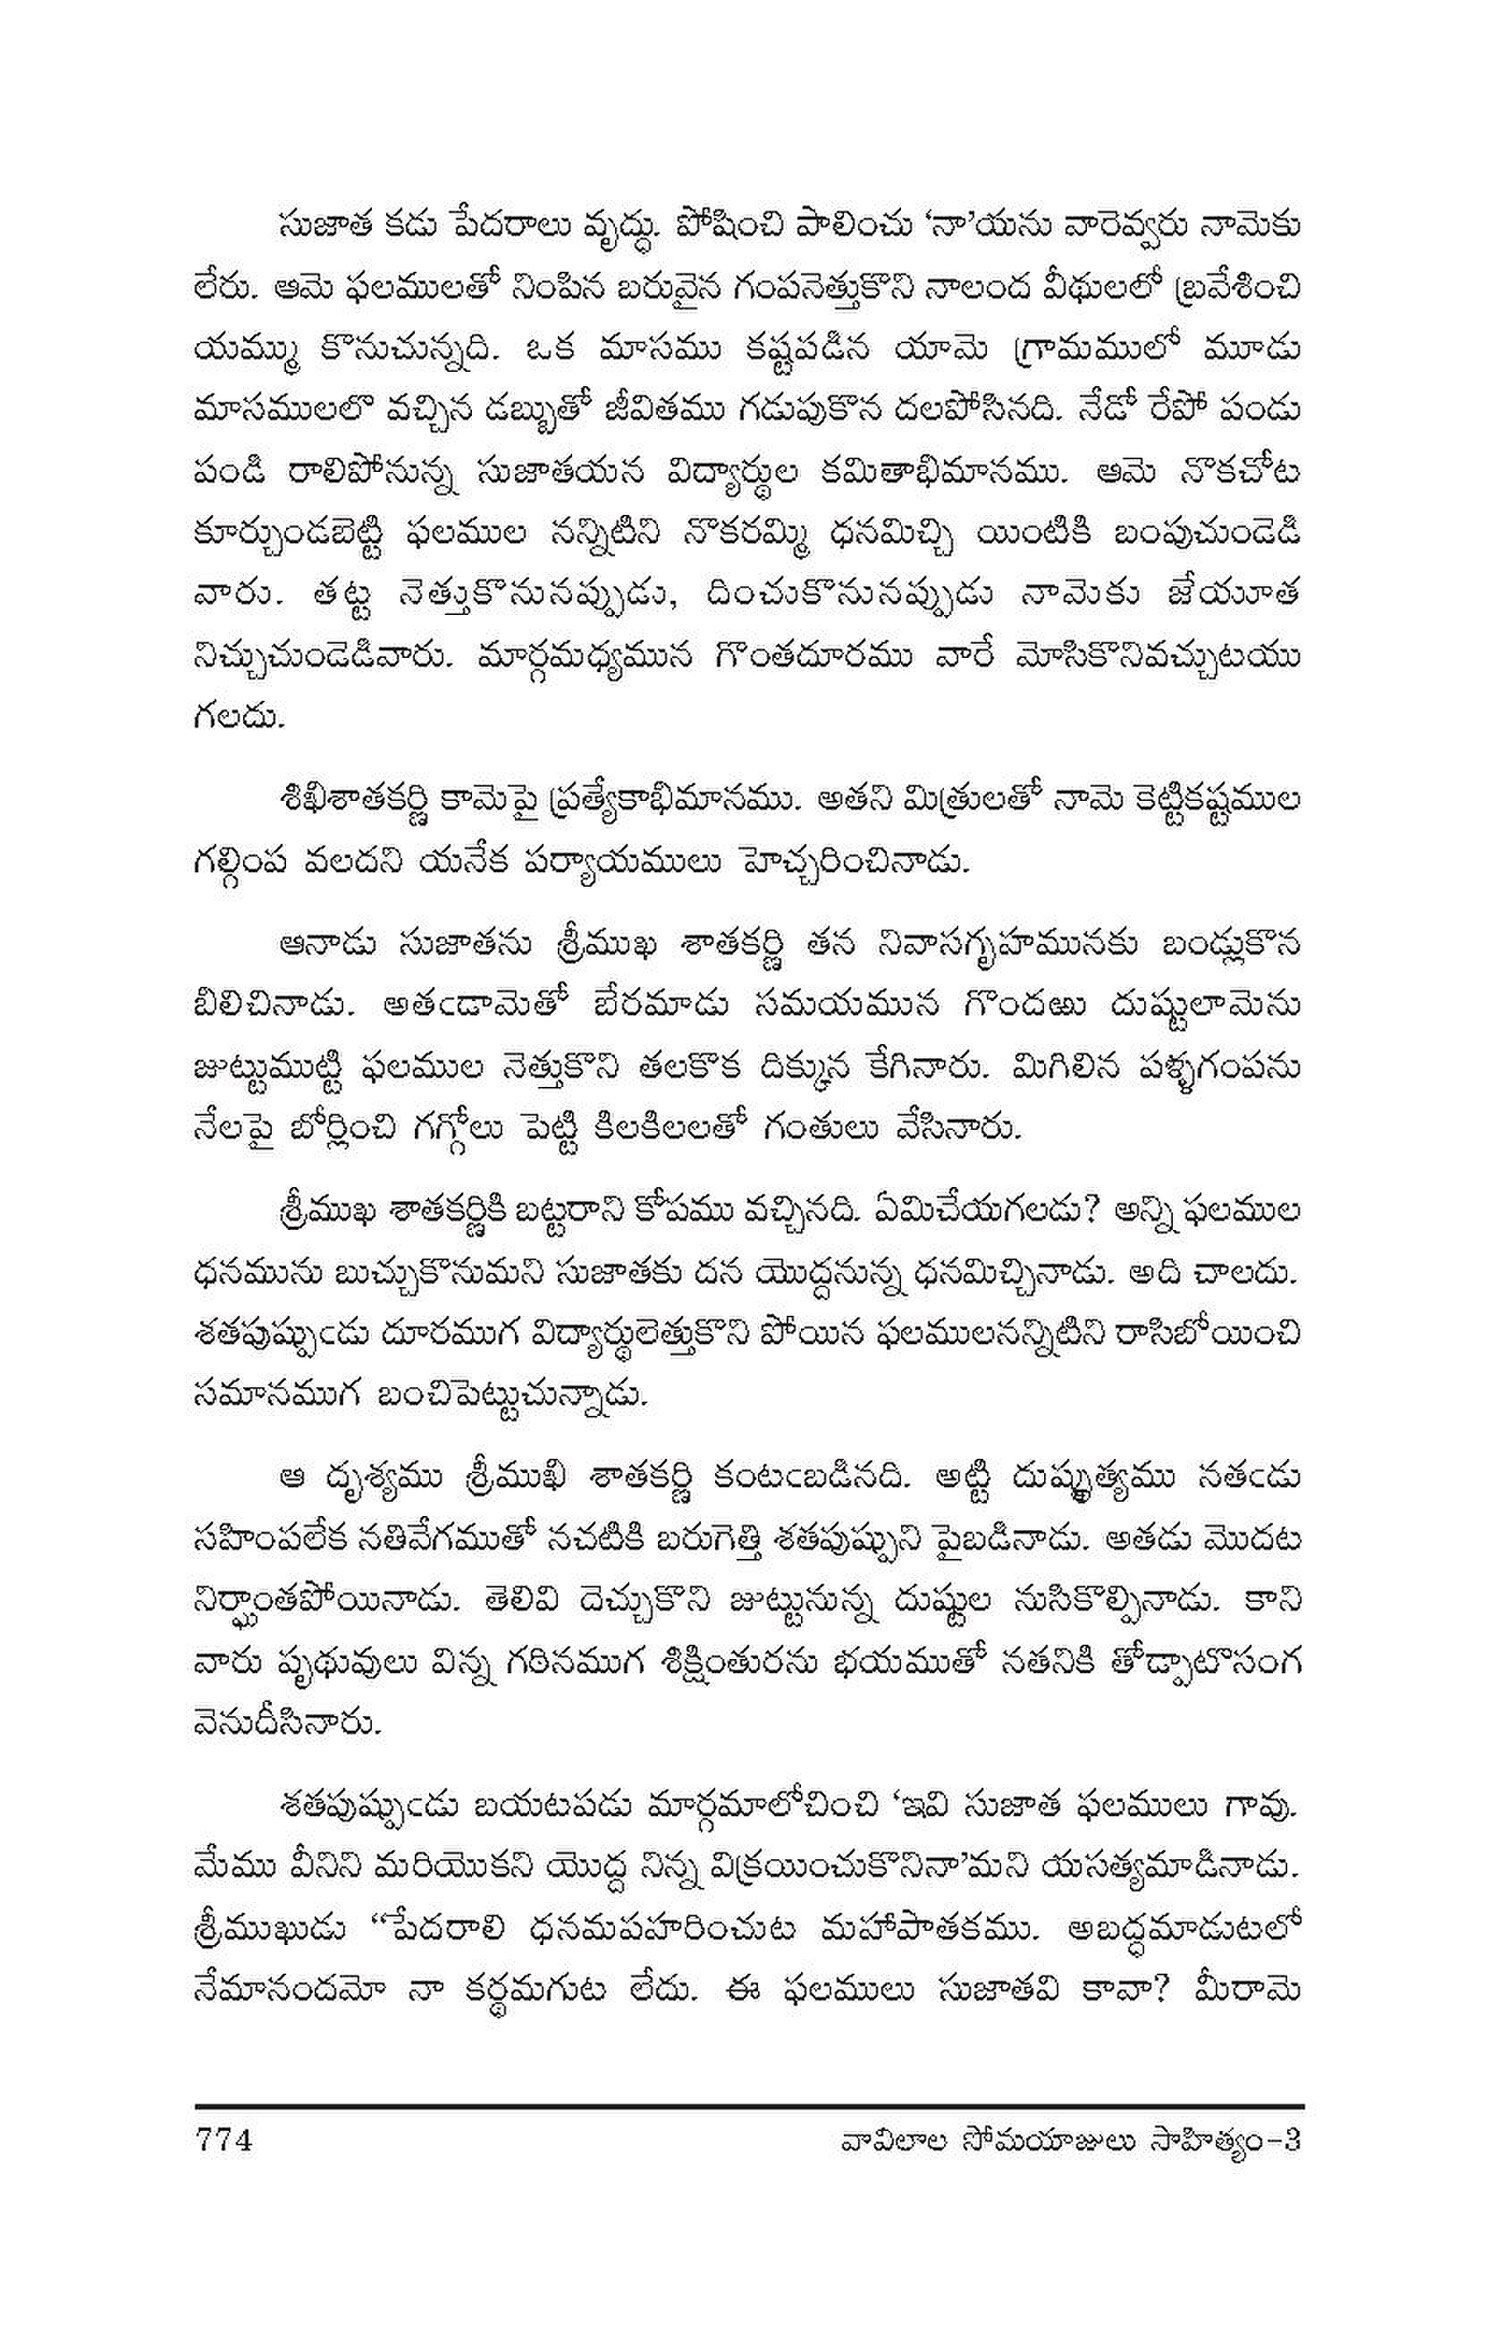సుజాత కడు పేదరాలు వృద్ధు. పోషించి పాలించు 'నా'యను వారెవ్వరు నామెకు లేరు. ఆమె ఫలములతో నింపిన బరువైన గంపనెత్తుకొని నాలంద వీథులలో బ్రవేశించి యమ్ము కొనుచున్నది. ఒక మాసము కష్టపడిన యామె గ్రామములో మూడు మాసములలొ వచ్చిన డబ్బుతో జీవితము గడుపుకొన దలపోసినది. నేడో రేపో పండు పండి రాలిపోనున్న సుజాతయన విద్యార్థుల కమితాభిమానము. ఆమె నొకచోట
కూర్చుండబెట్టి ఫలముల నన్నిటిని నొకరమ్మి ధనమిచ్చి యింటికి బంపుచుండెడి వారు. తట్ట నెత్తుకొనునప్పుడు, దించుకొనునప్పుడు నామెకు జేయూత నిచ్చుచుండెడివారు. మార్గమధ్యమున గొంతదూరము వారే మోసికొనివచ్చుటయు
గలదు.

శిఖిశాతకర్ణి కామెపై ప్రత్యేకాభిమానము. అతని మిత్రులతో నామె కెట్టికష్టముల గల్గింప వలదని యనేక పర్యాయములు హెచ్చరించినాడు.

ఆనాడు సుజాతను శ్రీముఖ శాతకర్ణి తన నివాసగృహమునకు బండ్లుకొన బిలిచినాడు. అతఁడామెతో బేరమాడు సమయమున గొందఱు దుష్టులామెను జుట్టుముట్టి ఫలముల నెత్తుకొని తలకొక దిక్కున కేగినారు. మిగిలిన పళ్ళగంపను నేలపై బోర్లించి గగ్గోలు పెట్టి కిలకిలలతో గంతులు వేసినారు.

శ్రీముఖ శాతకర్ణికి బట్టరాని కోపము వచ్చినది. ఏమిచేయగలడు? అన్ని ఫలముల ధనమును బుచ్చుకొనుమని సుజాతకు దన యొద్దనున్న ధనమిచ్చినాడు. అది చాలదు. శతపుషుఁడు దూరముగ విద్యార్థులెత్తుకొని పోయిన ఫలములనన్నిటిని రాసిబోయించి సమానముగ బంచిపెట్టుచున్నాడు.

ఆ దృశ్యము శ్రీముఖి శాతకర్ణి కంటఁబడినది. అట్టి దుష్కృత్యము నతఁడు సహింపలేక నతివేగముతో నచటికి బరుగెత్తి శతపుష్పని పైబడినాడు. అతడు మొదట నిర్ఘాంతపోయినాడు. తెలివి దెచ్చుకొని జుట్టునున్న దుష్టుల నుసికొల్పినాడు. కాని వారు పృథువులు విన్న గఠినముగ శిక్షింతురను భయముతో నతనికి తోడ్పాటొసంగ వెనుదీసినారు.

శతపుష్పుఁడు బయటపడు మార్గమాలోచించి 'ఇవి సుజాత ఫలములు గావు. మేము వీనిని మరియొకని యొద్ద నిన్న విక్రయించుకొనినా'మని యసత్యమాడినాడు. శ్రీముఖుడు "పేదరాలి ధనమపహరించుట మహాపాతకము. అబద్ధమాడుటలో నేమానందమో నా కర్ణమగుట లేదు. ఈ ఫలములు సుజాతవి కావా? మీరామె